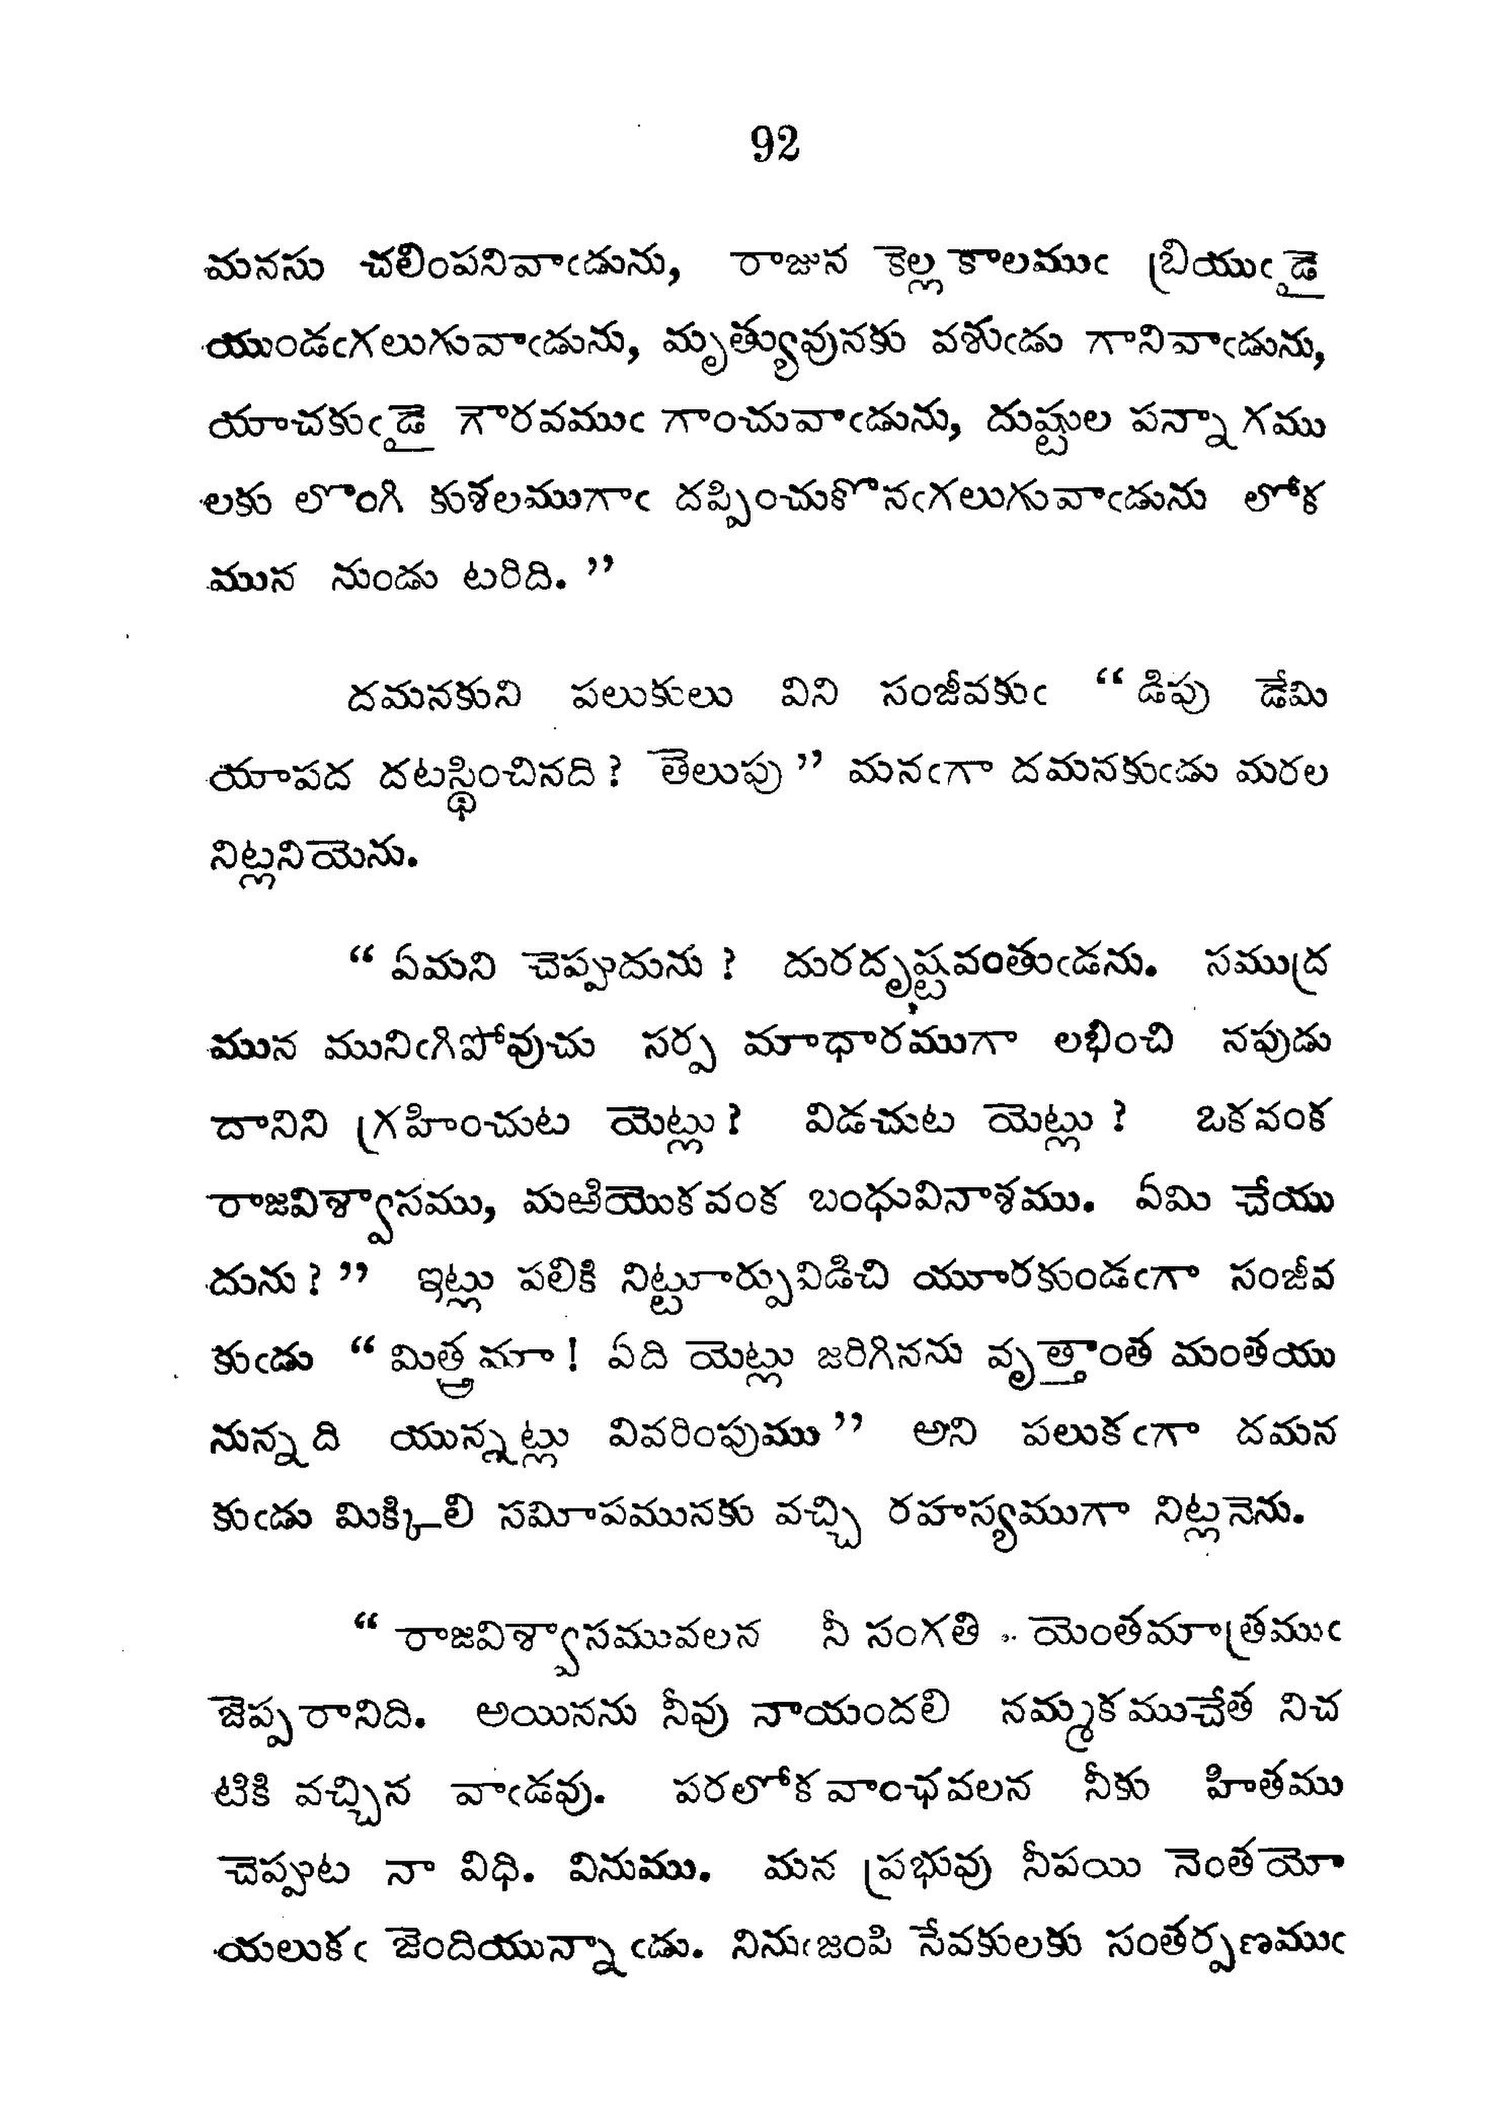మనసు చలింపనివాడును, రాజున కెల్లకాలము బ్రియుడై యుండగలుగువాడును, మృత్యువునకు వశుడు గానివాడును, యాచకుడై గౌరవము గాంచువాడును, దుష్టుల పన్నాగములకు లొంగి కుశలముగా దప్పించుకొనగలుగువాడును లోకమున నుండు టరిది."

దమనకుని పలుకులు విని సంజీవకు "డిపు డేమి యాపద దటస్థించినది? తెలుపు" మనగా దమనకుడు మరల నిట్లనియెను.

"ఏమని చెప్పుదును? దురదృష్టవంతుడును. సముద్రమున మునిగిపోవుచు సర్ప మాధారముగా లభించి నపుడు దానిని గ్రహించుట యెట్లు? విడచుట యెట్లు? ఒకవంక రాజవిశ్వాసము, మఱియొకవంక బంధువినాశము. ఏమి చేయుదును?" ఇట్లు పలికి నిట్టూర్పువిడిచి యూరకుండగా సంజీవకుడు "మిత్రమా! ఏది యెట్లు జరిగినను వృత్తాంత మంతయు నున్నది యున్నట్లు వివరింపుము" అని పలుకగా దమనకుడు మిక్కిలి సమీపమునకు వచ్చి రహస్యముగా నిట్లనెను.

"రాజవిశ్వాసమువలన నీసంగతి యెంతమాత్రము జెప్పరానిది. అయినను నీవు నాయందలి నమ్మకముచేత నిచటికి వచ్చిన వాడవు. పరలోకవాంఛవలన నీకు హితము చెప్పుట నా విధి. వినుము. మన ప్రభువు నీపయి నెంతయో యలుక జెందియున్నాడు. నినుజంపి సేవకులకు సంతర్పణము